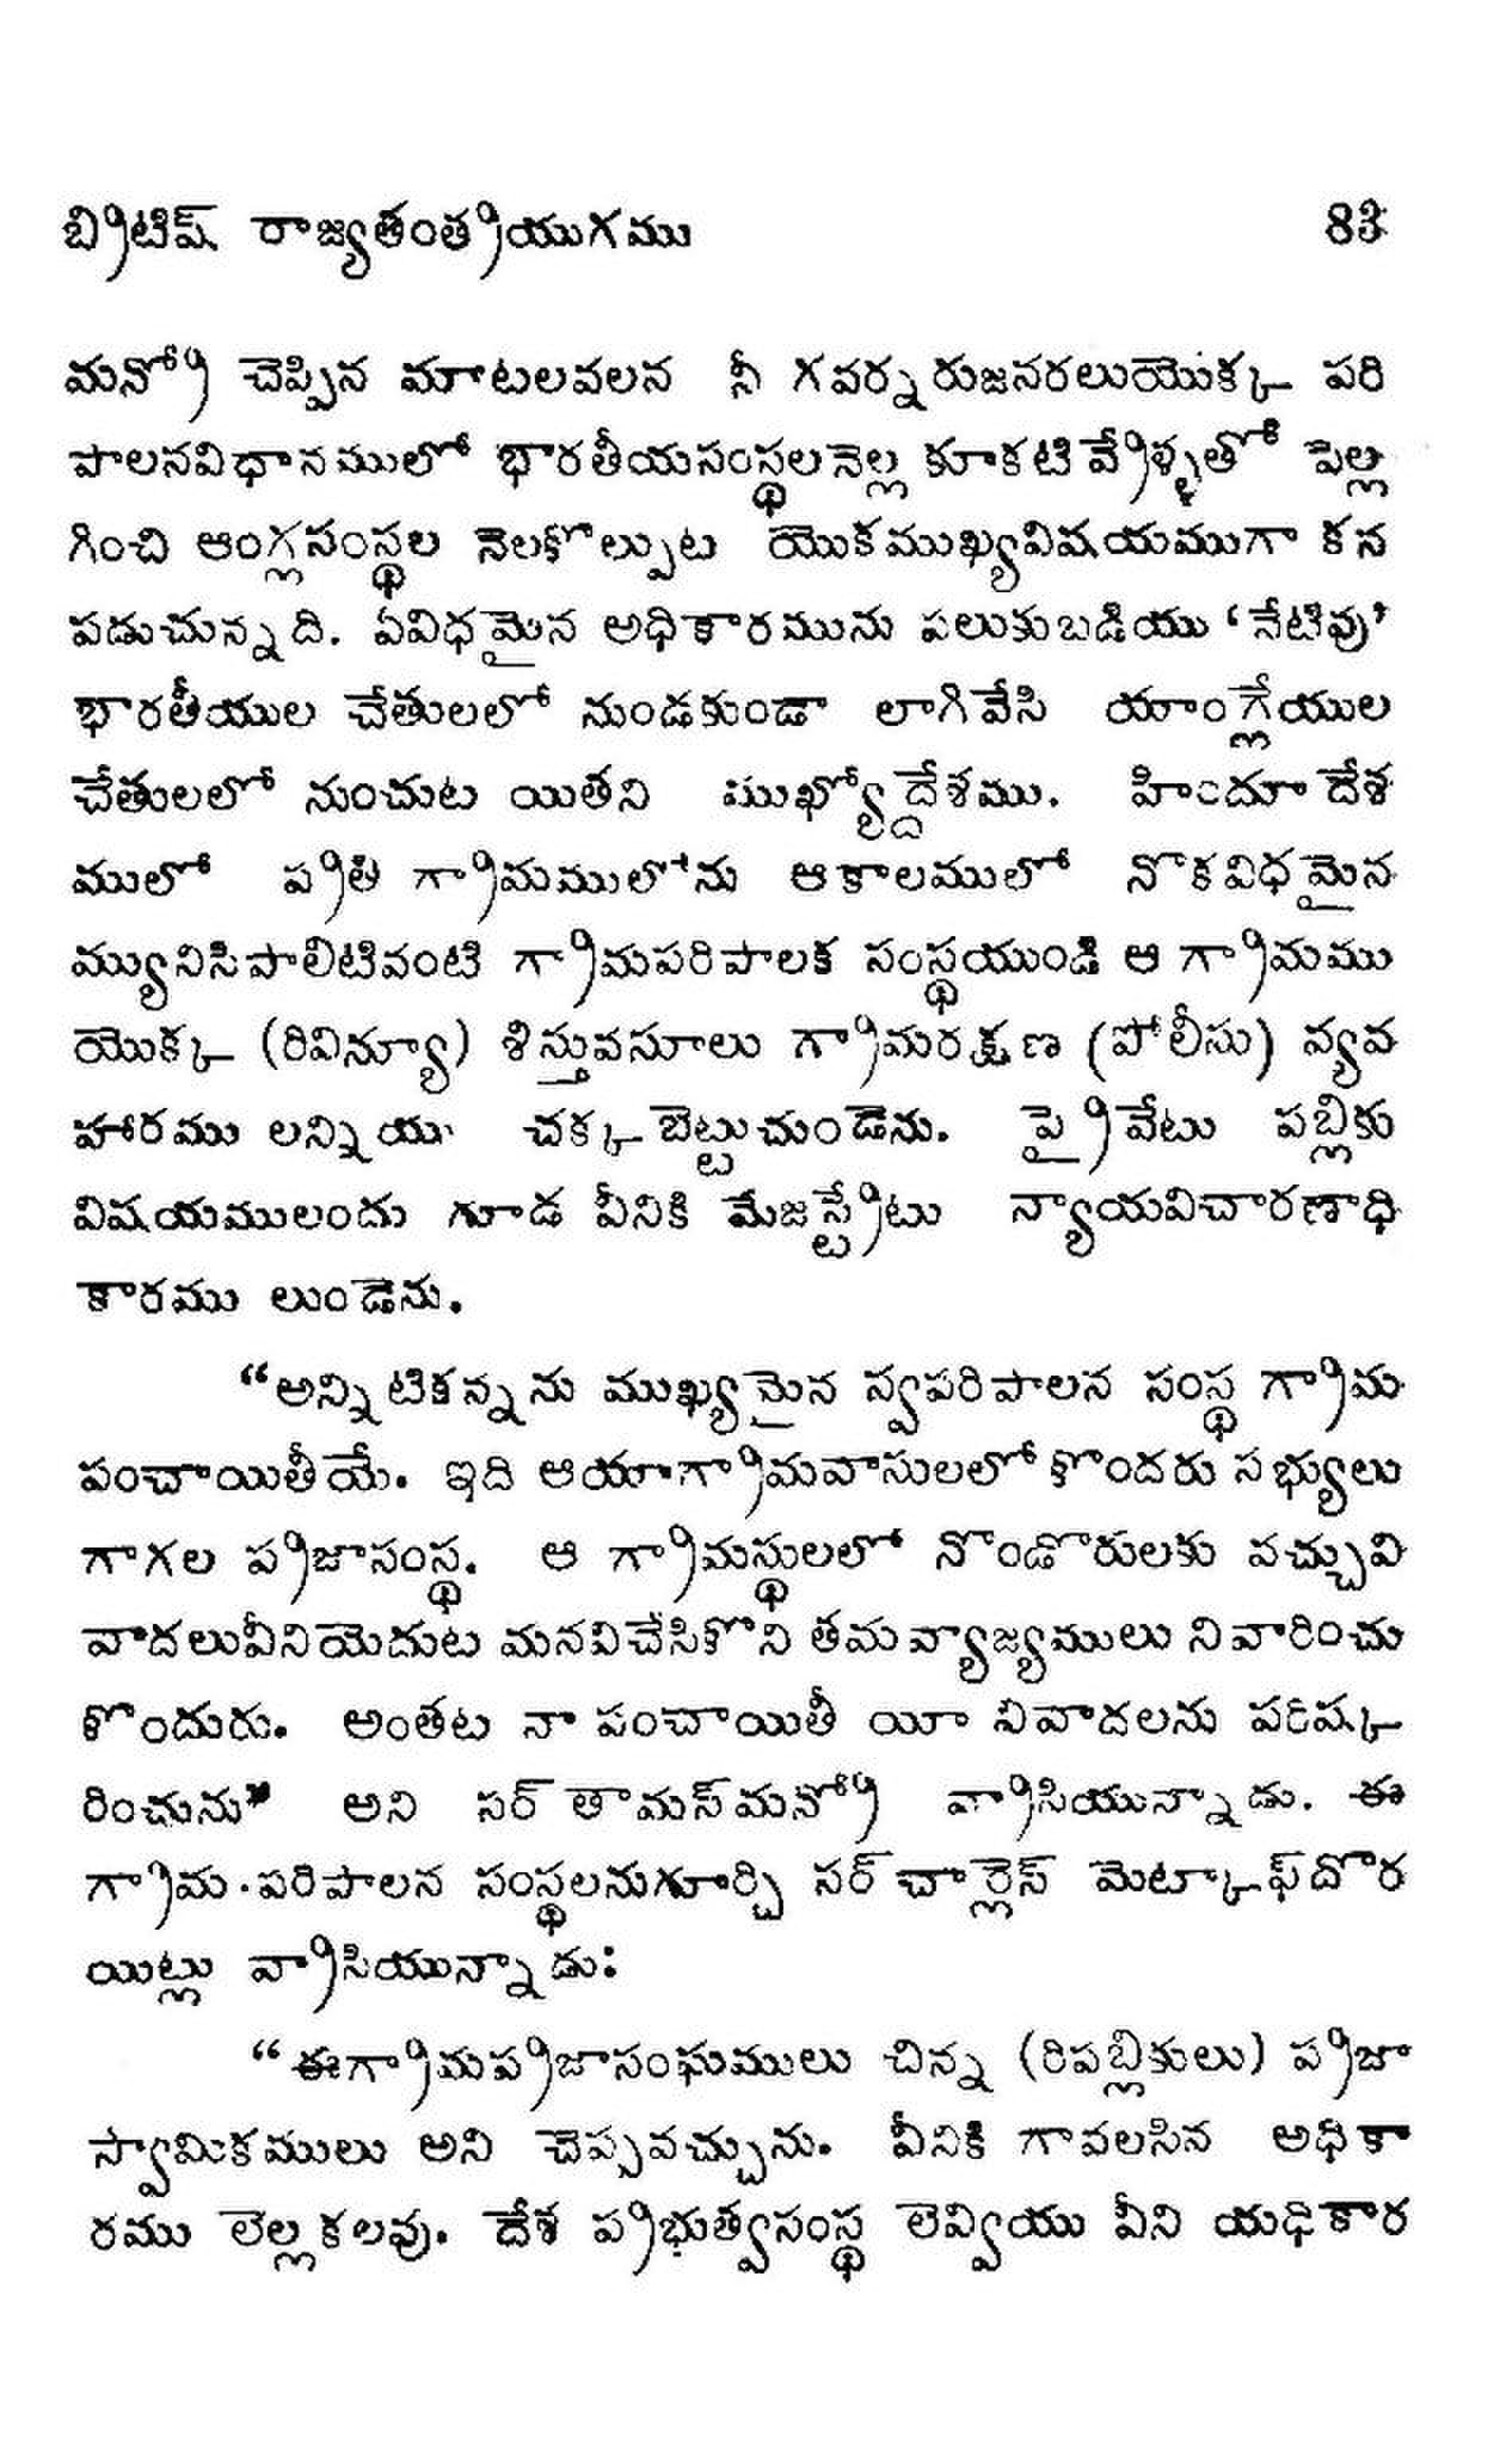మన్రో చెప్పిన మాటలవలన నీ గవర్నరుజనరలుయొక్క పరిపాలనవిధానములో భారతీయసంస్థలనెల్ల కూకటివ్రేళ్ళతో పెల్లగించి ఆంగ్లసంస్థల నెలకొల్పుట యొకముఖ్యవిషయముగా కనపడుచున్నది. ఏవిధమైన అధికారమును పలుకుబడియు 'నేటివు' భారతీయుల చేతులలో నుండకుండా లాగివేసి యాంగ్లేయుల చేతులలో నుంచుట యితని ముఖ్యోద్దేశము. హిందూదేశములో ప్రతి గామములోను ఆ కాలములో నొకవిధమైన మ్యునిసిపాలిటివంటి గ్రామపరిపాలక సంస్థయుండి ఆ గ్రామముయొక్క (రివిన్యూ) శిస్తువసూలు గ్రామరక్షణ (పోలీసు) వ్యవహారము లన్నియ చక్కబెట్టుచుండెను. ప్రైవేటు పబ్లికు విషయములందు గూడ వీనికి మేజస్ట్రేటు న్యాయవిచారణాధికారము లుండెను.

“అన్నిటికన్నను ముఖ్యమైన స్వపరిపాలన సంస్థ గ్రామపంచాయితీయే. ఇది ఆయాగ్రామవాసులలో కొందరు సభ్యులుగాగల ప్రజాసంస్థ. ఆ గ్రామస్థులలో నొండొరులకు వచ్చువివాదలువీనియెదుట మనవిచేసికొని తమవ్యాజ్యములు నివారించుకొందురు. అంతట నా పంచాయితీ యీ వివాదలను పరిష్కరించును” అని సర్ తామస్‌మన్రో వ్రాసియున్నాడు. ఈగ్రామ పరిపాలన సంస్థలనుగూర్చి సర్ చార్లెస్ మెట్కాఫ్‌దొర యిట్లు వ్రాసియున్నాడు:

“ఈగ్రామప్రజాసంఘములు చిన్న (రిపబ్లికులు) ప్రజాస్వామికములు అని చెప్పవచ్చును. వీనికి గావలసిన అధికారము లెల్లకలవు. దేశ ప్రభుత్వసంస్థ లెవ్వియు వీని యధికార